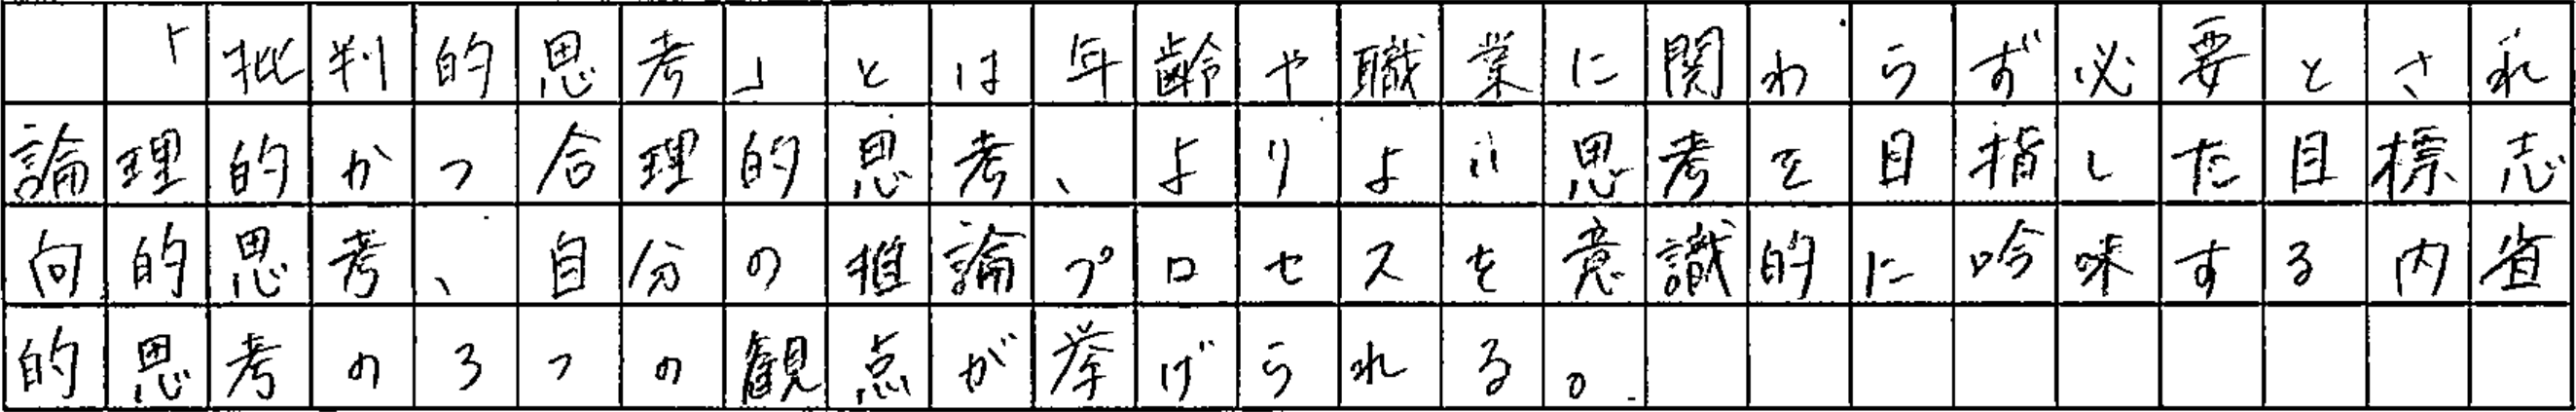　「批判的思考」とは年齢や職業に関わらず必要とされ論理的かつ合理的思考、よりよい思考を目指した目標志向的思考、自分の推論プロセスを意識的に吟味する内省的思考の３つの観点が挙げられる。
